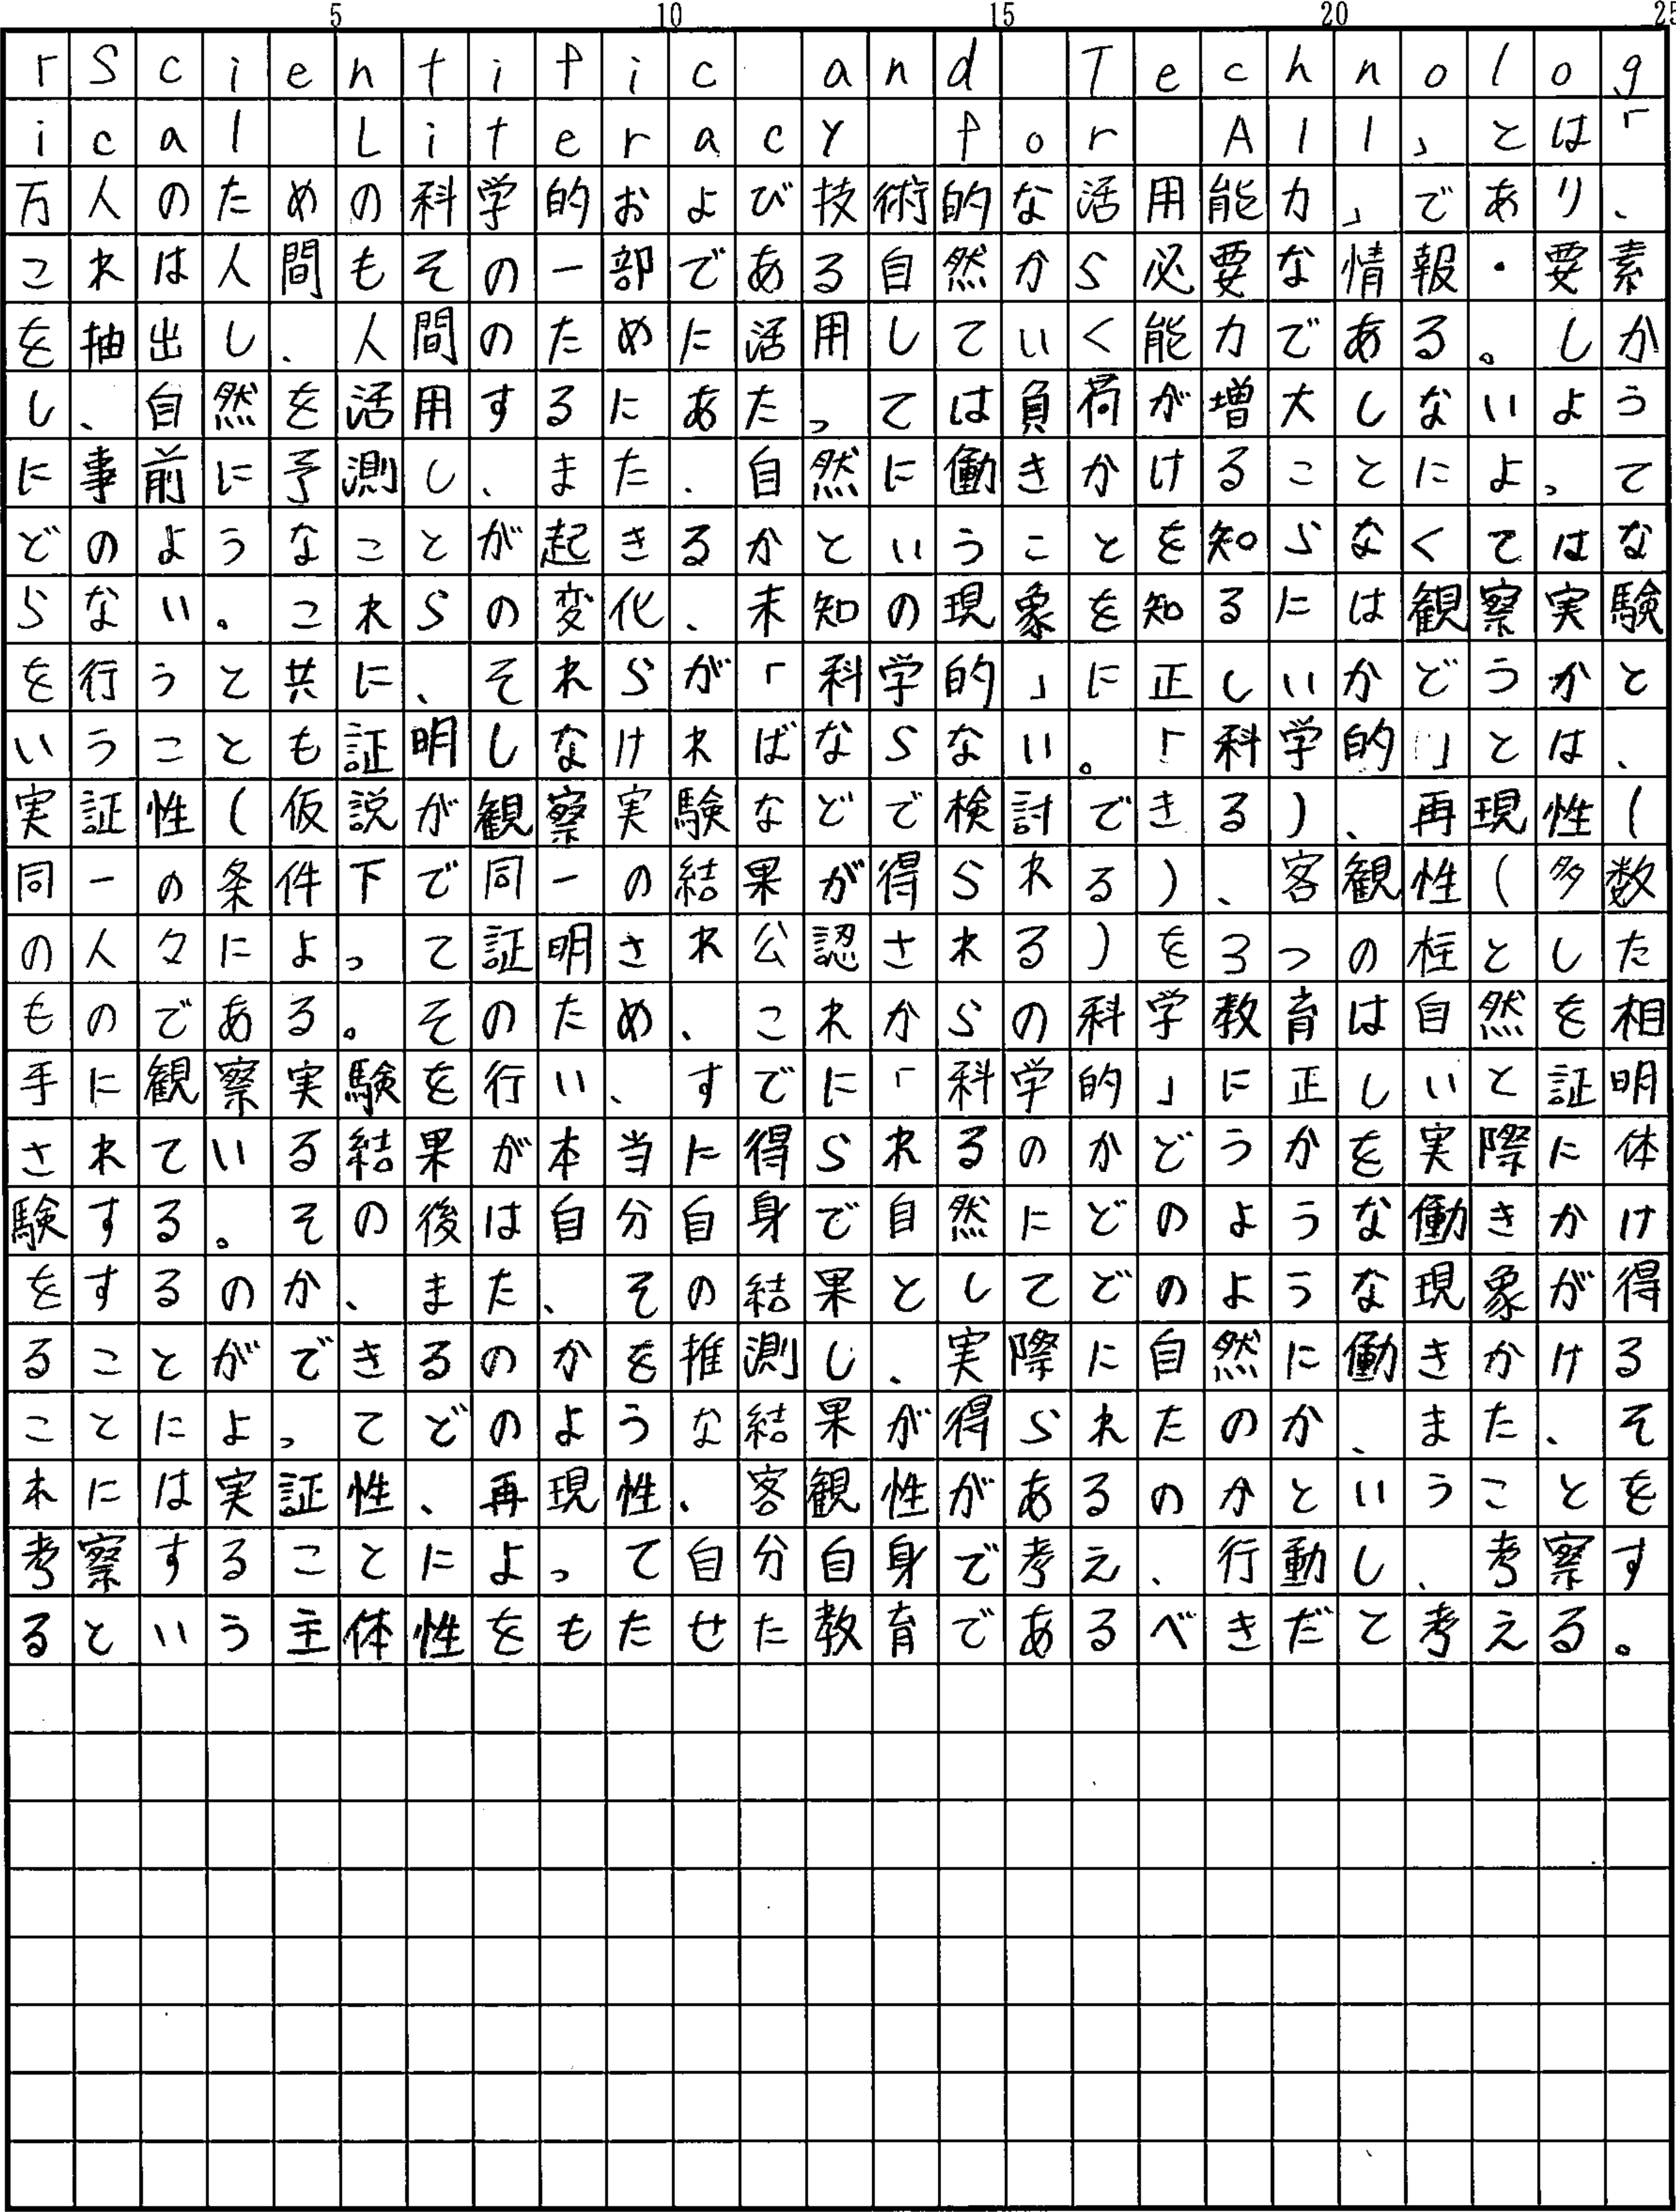「Ｓｃｉｅｎｔｉｆｉｃ　ａｎｄ　Ｔｅｃｈｎｏｌｏｇｉｃａｌ　Ｌｉｔｅｒａｃｙ　ｆｏｒ　Ａｌｌ」とは「万人のための科学的および技術的な活用能力」であり、これは人間もその一部である自然から必要な情報・要素を抽出し、人間のために活用していく能力である。しかし、自然を活用するにあたっては負荷が増大しないように事前に予測し、また、自然に働きかけることによってどのようなことが起きるかということを知らなくてはならない。これらの変化、未知の現象を知るには観察実験を行うと共に、それらが「科学的」に正しいかどうかということも証明しなければならない。「科学的」とは、実証性（仮説が観察実験などで検討できる）、再現性（同一の条件下で同一の結果が得られる）、客観性（多数の人々によって証明され公認される）を３つの柱としたものである。そのため、これからの科学教育は自然を相手に観察実験を行い、すでに「科学的」に正しいと証明されている結果が本当に得られるのかどうかを実際に体験する。その後は自分自身で自然にどのような働きかけをするのか、また、その結果としてどのような現象が得ることができるのかを推測し、実際に自然に働きかけることによってどのような結果が得られたのか、また、それには実証性、再現性、客観性があるのかということを考察することによって自分自身で考え、行動し、考察するという主体性をもたせた教育であるべきだと考える。
